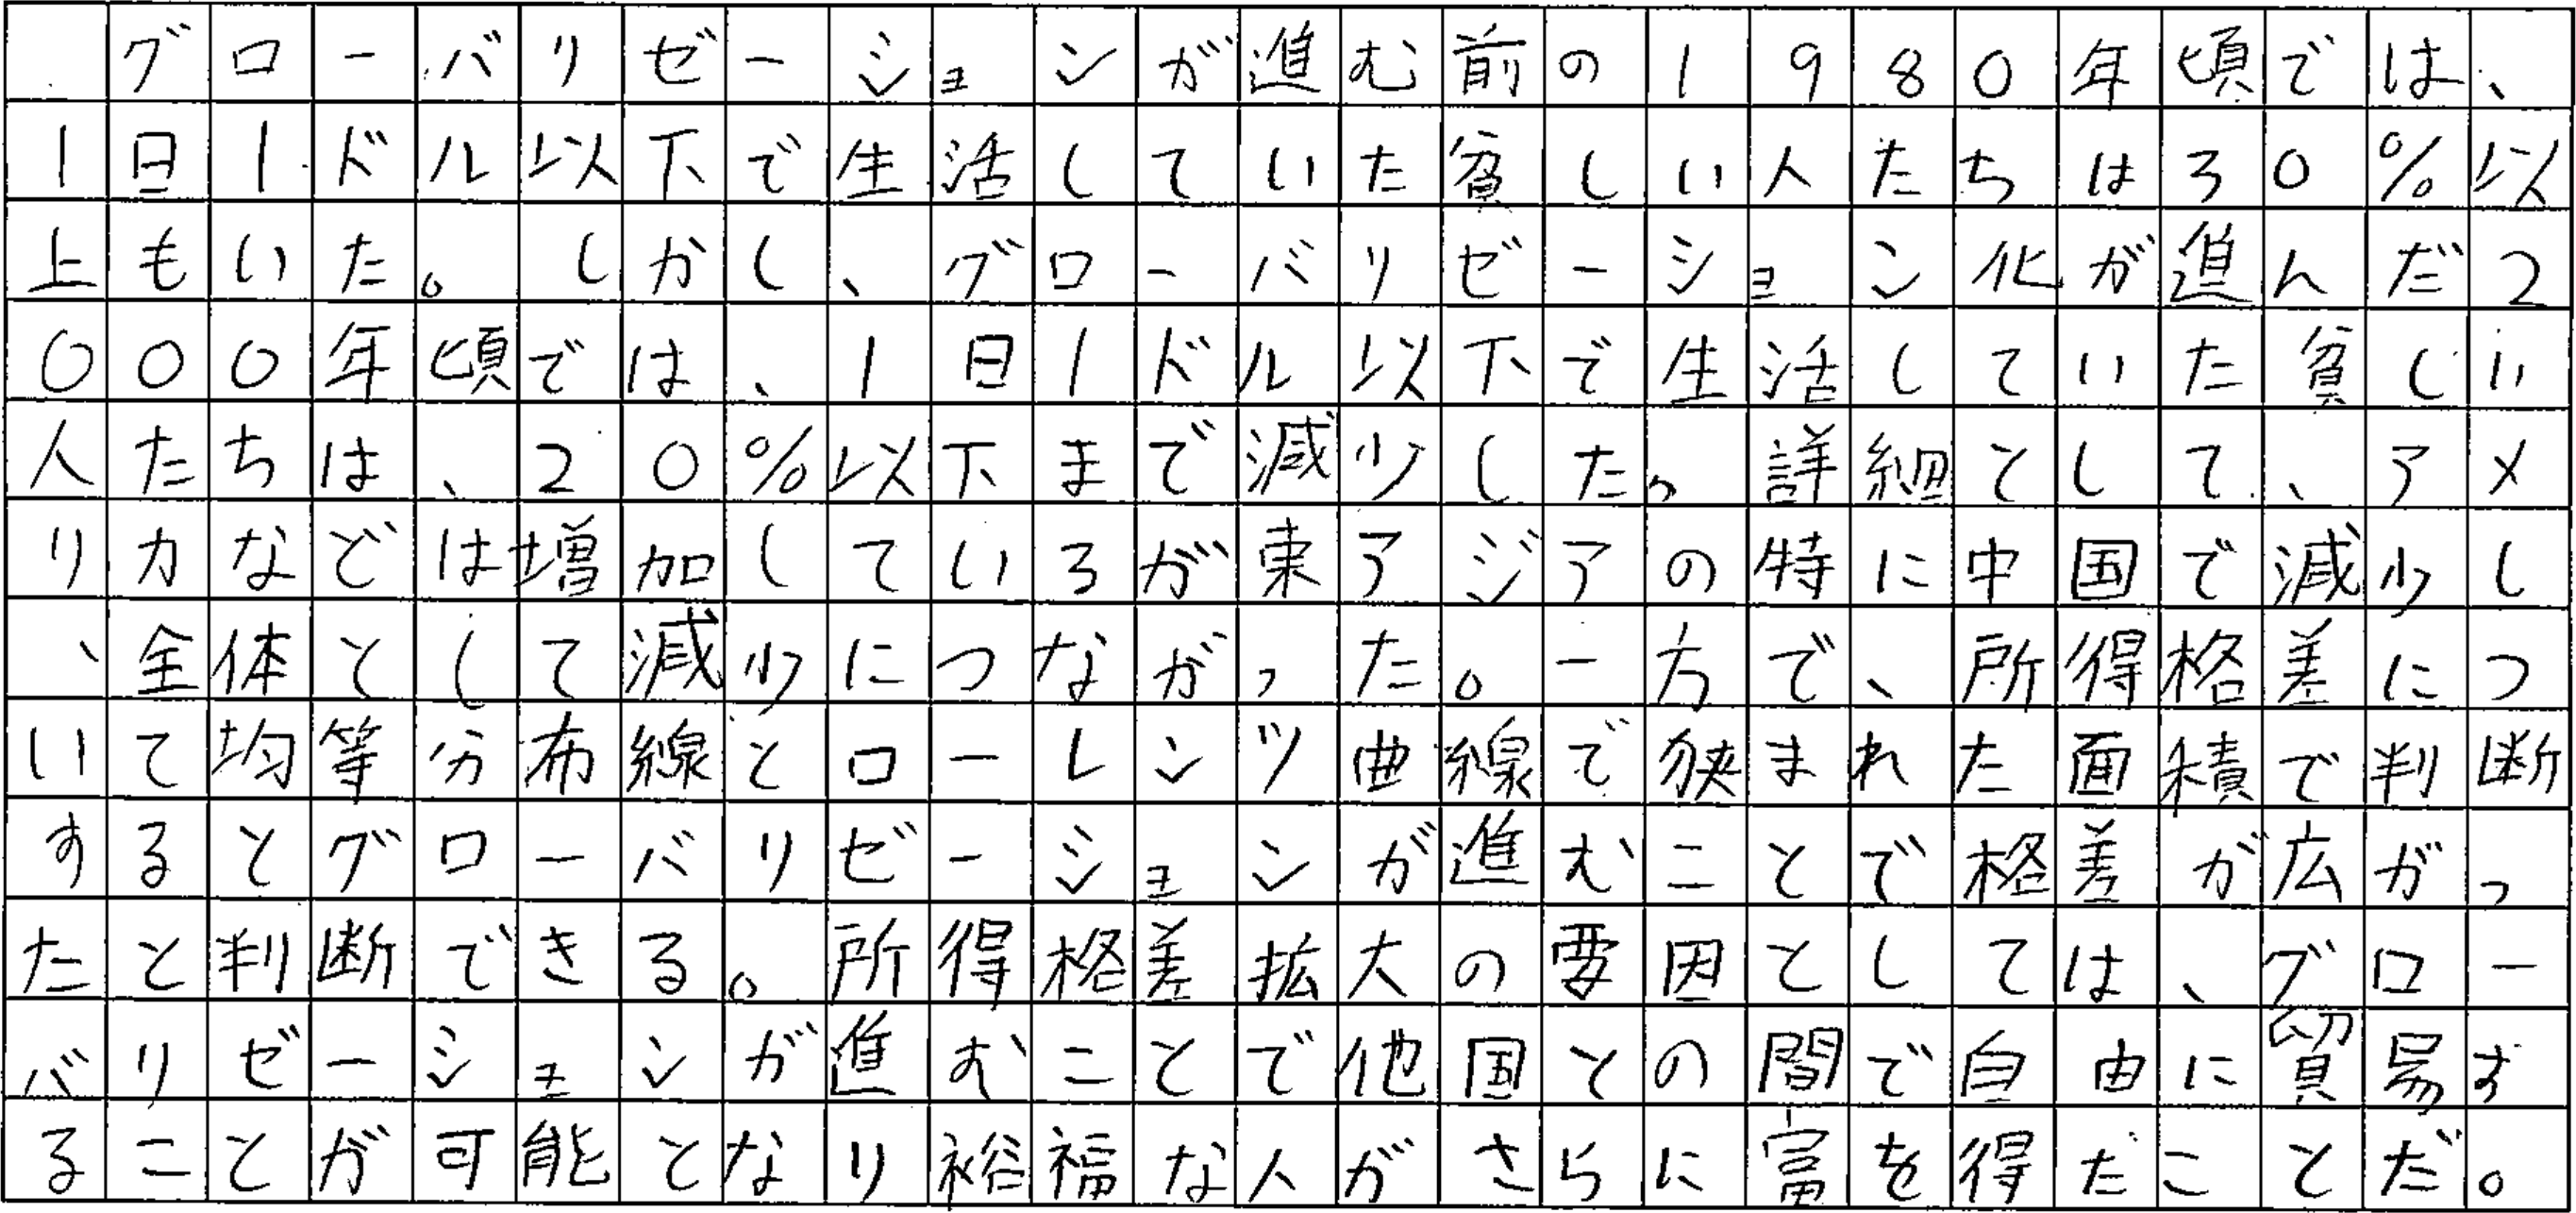　グローバリゼーションが進む前の１９８０年頃では、１日１ドル以下で生活していた貧しい人たちは３０％以上もいた。しかし、グローバリゼーション化が進んだ２０００年頃では、１日１ドル以下で生活していた貧しい人たちは、２０％以下まで減少した。詳細として、アメリカなどは増加しているが東アジアの特に中国で減少し、全体として減少につながった。一方で、所得格差について均等分布線とローレンツ曲線で狭まれた面積で判断するとグローバリゼーションが進むことで格差が広がったと判断できる。所得格差拡大の要因としては、グローバリゼーションが進むことで他国との間で自由に貿易することが可能となり裕福な人がさらに富を得たことだ。
